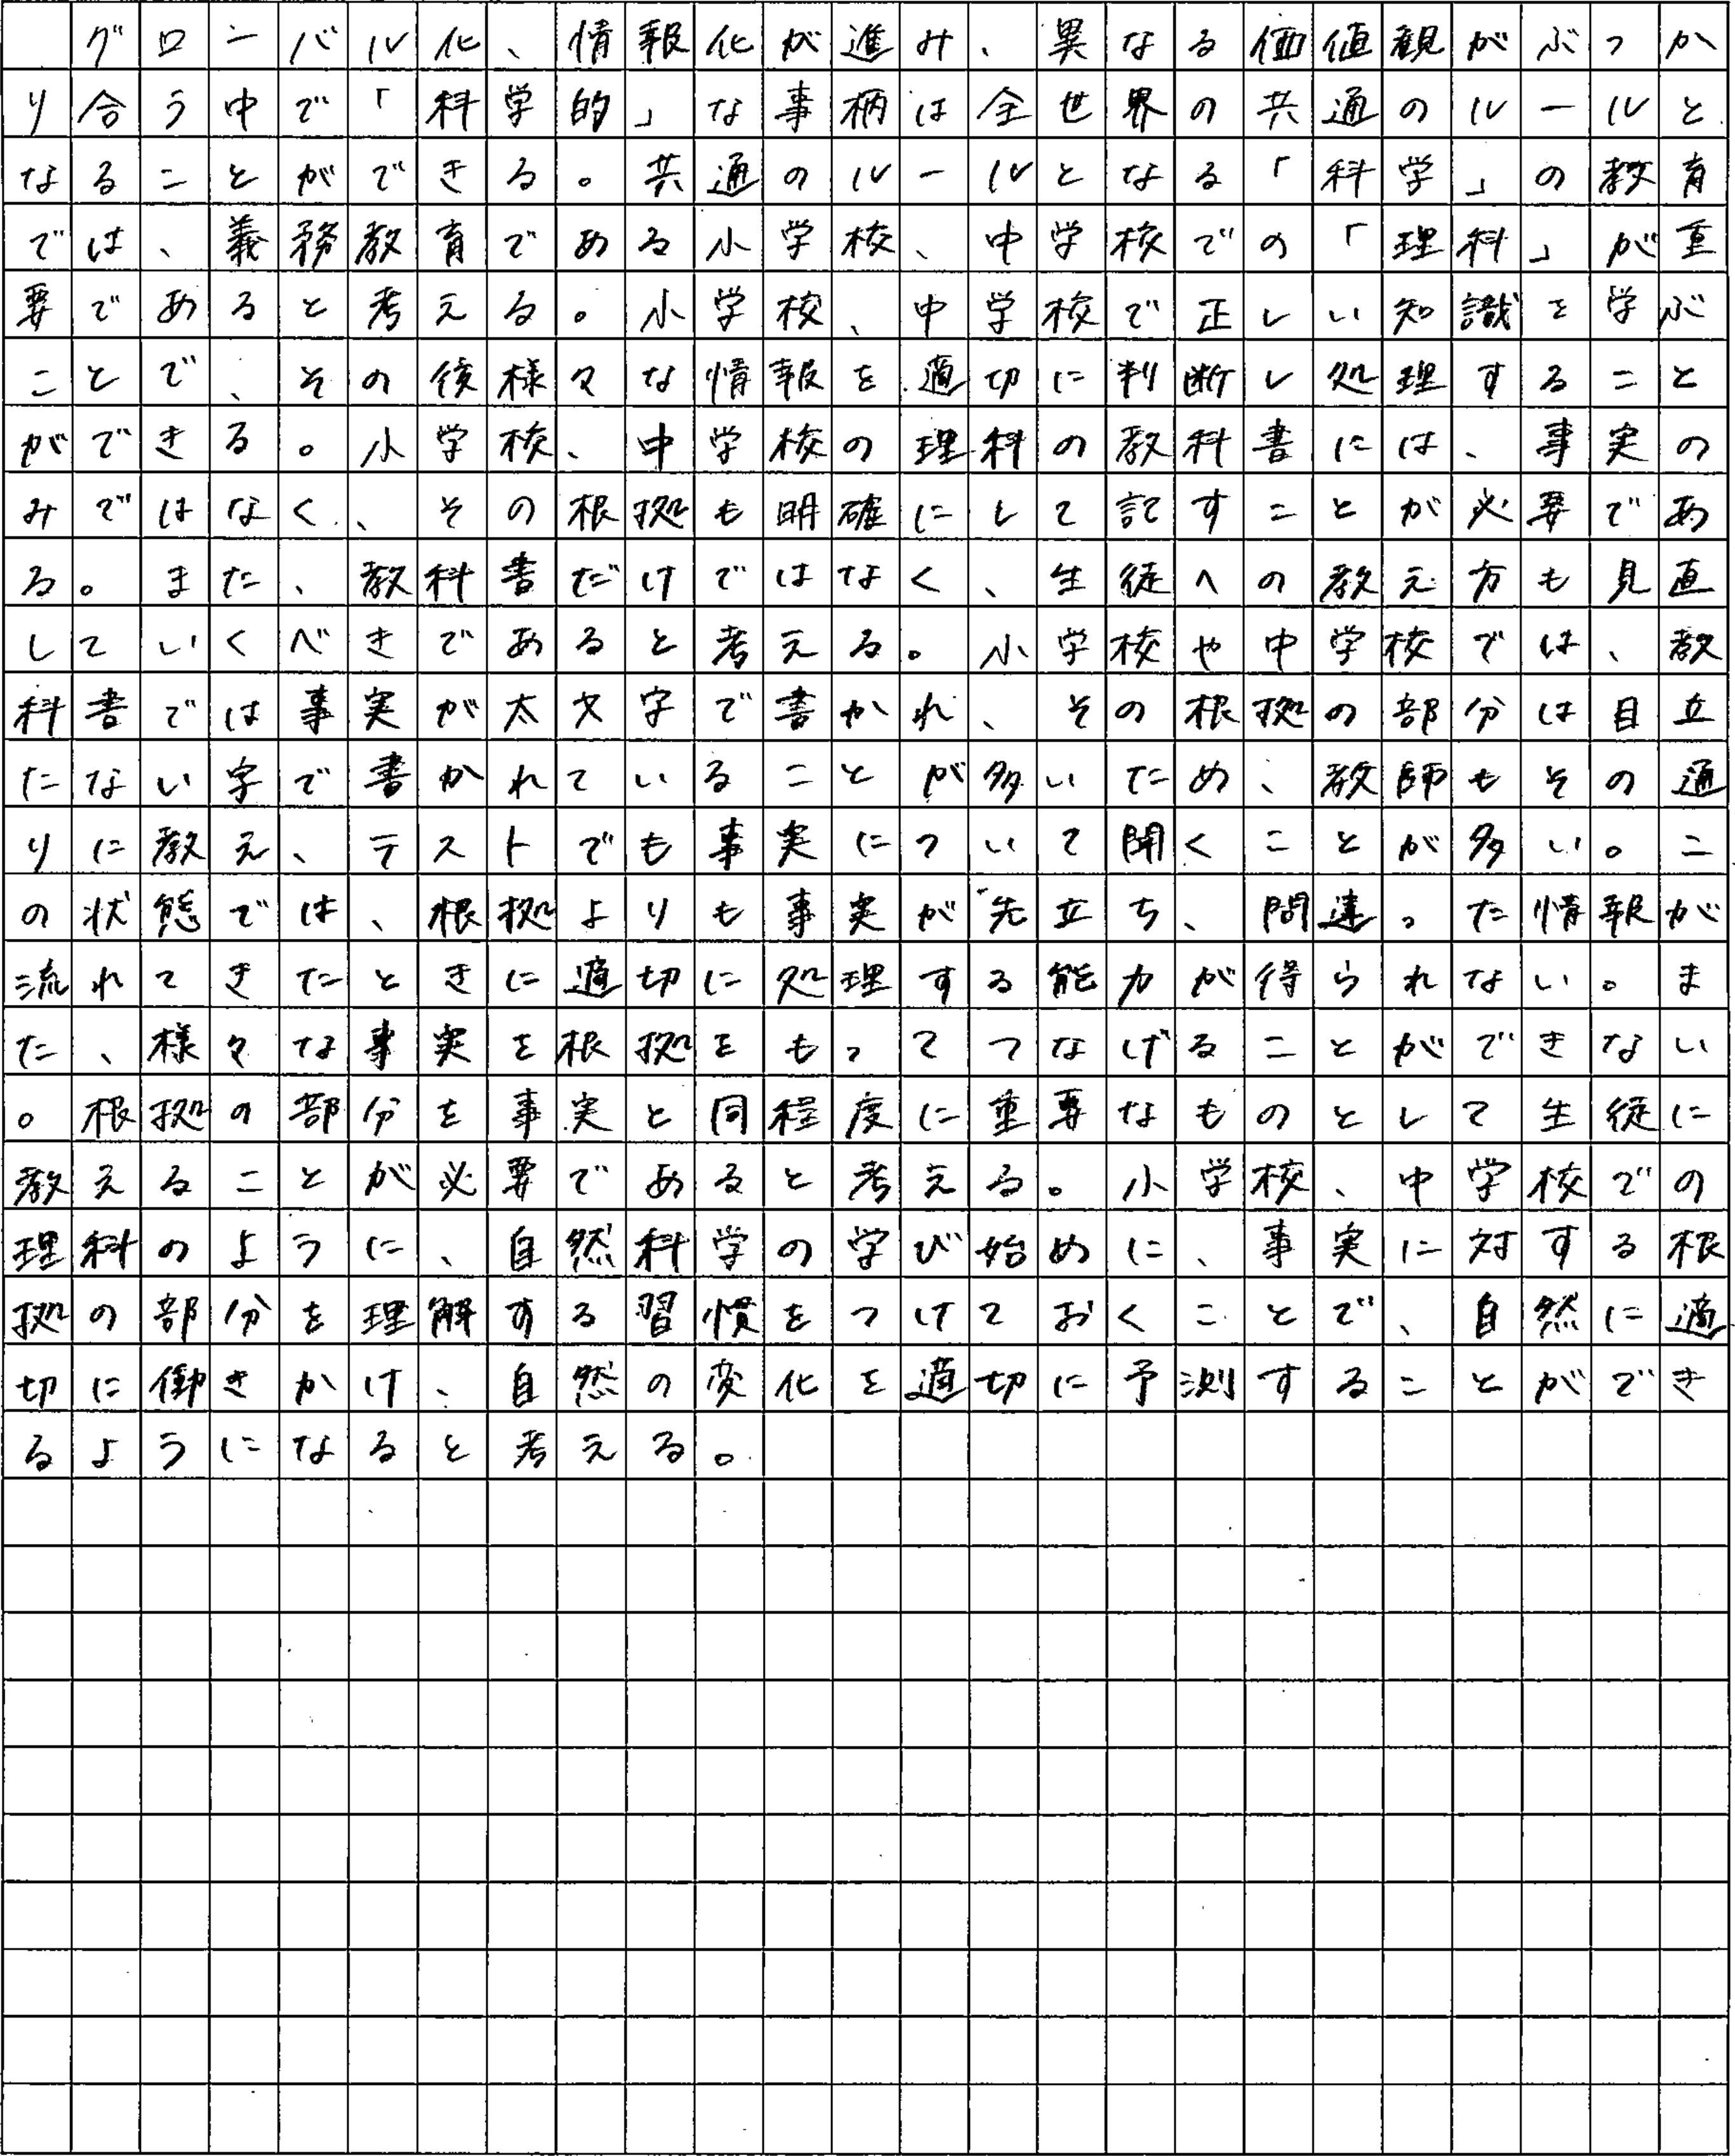　グローバル化、情報化が進み、異なる価値観がぶつかり合う中で「科学的」な事柄は全世界の共通のルールとなることができる。共通のルールとなる「科学」の教育では、義務教育である小学校、中学校での「理科」が重要であると考える。小学校、中学校で正しい知識を学ぶことで、その後様々な情報を適切に判断し処理することができる。小学校、中学校の理科の教科書には、事実のみではなく、その根拠も明確にして記すことが必要である。また、教科書だけではなく、生徒への教え方も見直していくべきであると考える。小学校や中学校では、教科書では事実が太文字で書かれ、その根拠の部分は目立たない字で書かれていることが多いため、教師もその通りに教え、テストでも事実について聞くことが多い。この状態では、根拠よりも事実が先立ち、間違った情報が流れてきたときに適切に処理する能力が得られない。また、様々な事実を根拠をもってつなげることができない。根拠の部分を事実と同程度に重要なものとして生徒に教えることが必要であると考える。小学校、中学校での理科のように、自然科学の学び始めに、事実に対する根拠の部分を理解する習慣をつけておくことで、自然に適切に働きかけ、自然の変化を適切に予測することができるようになると考える。
